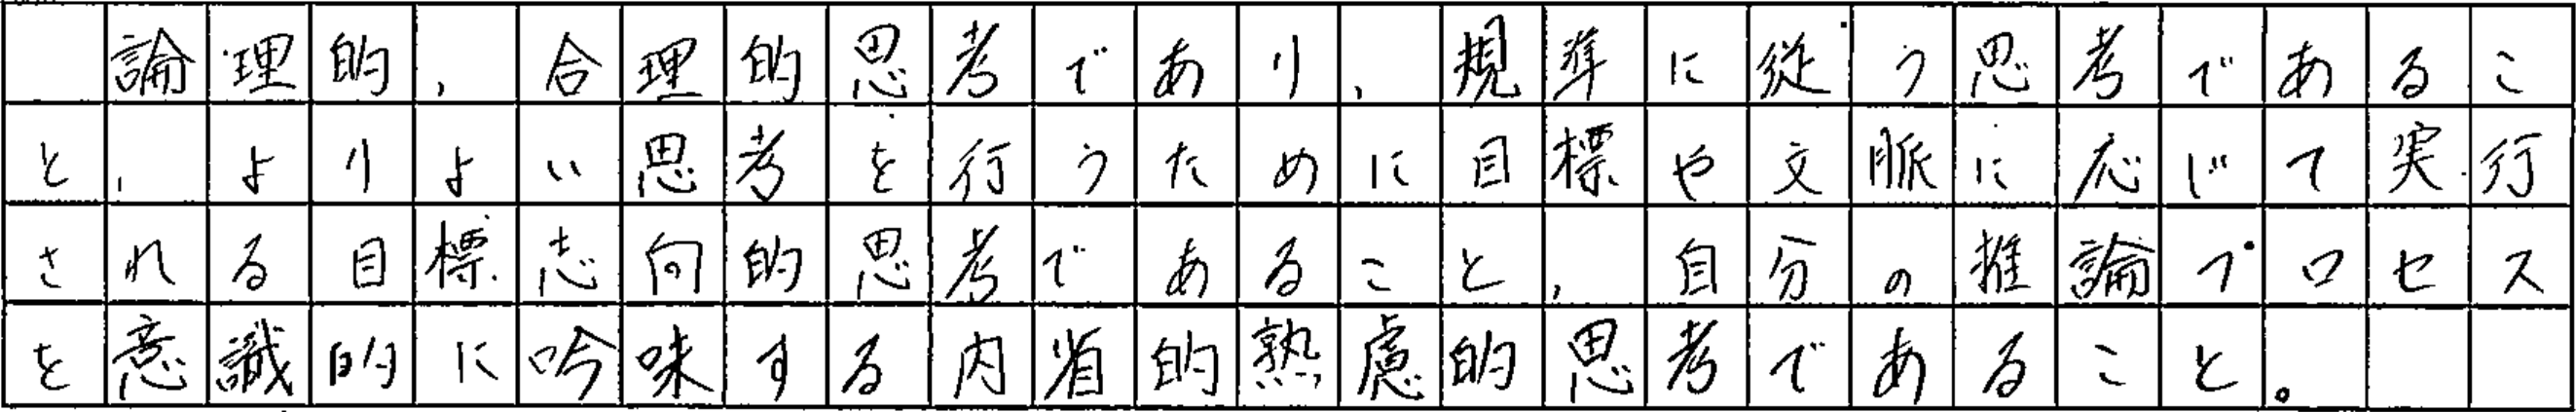　論理的、合理的思考であり、規準に従う思考であること、よりよい思考を行うために目標や文脈に応じて実行される目標志向的思考であること、自分の推論プロセスを意識的に吟味する内省的熟慮的思考であること。
